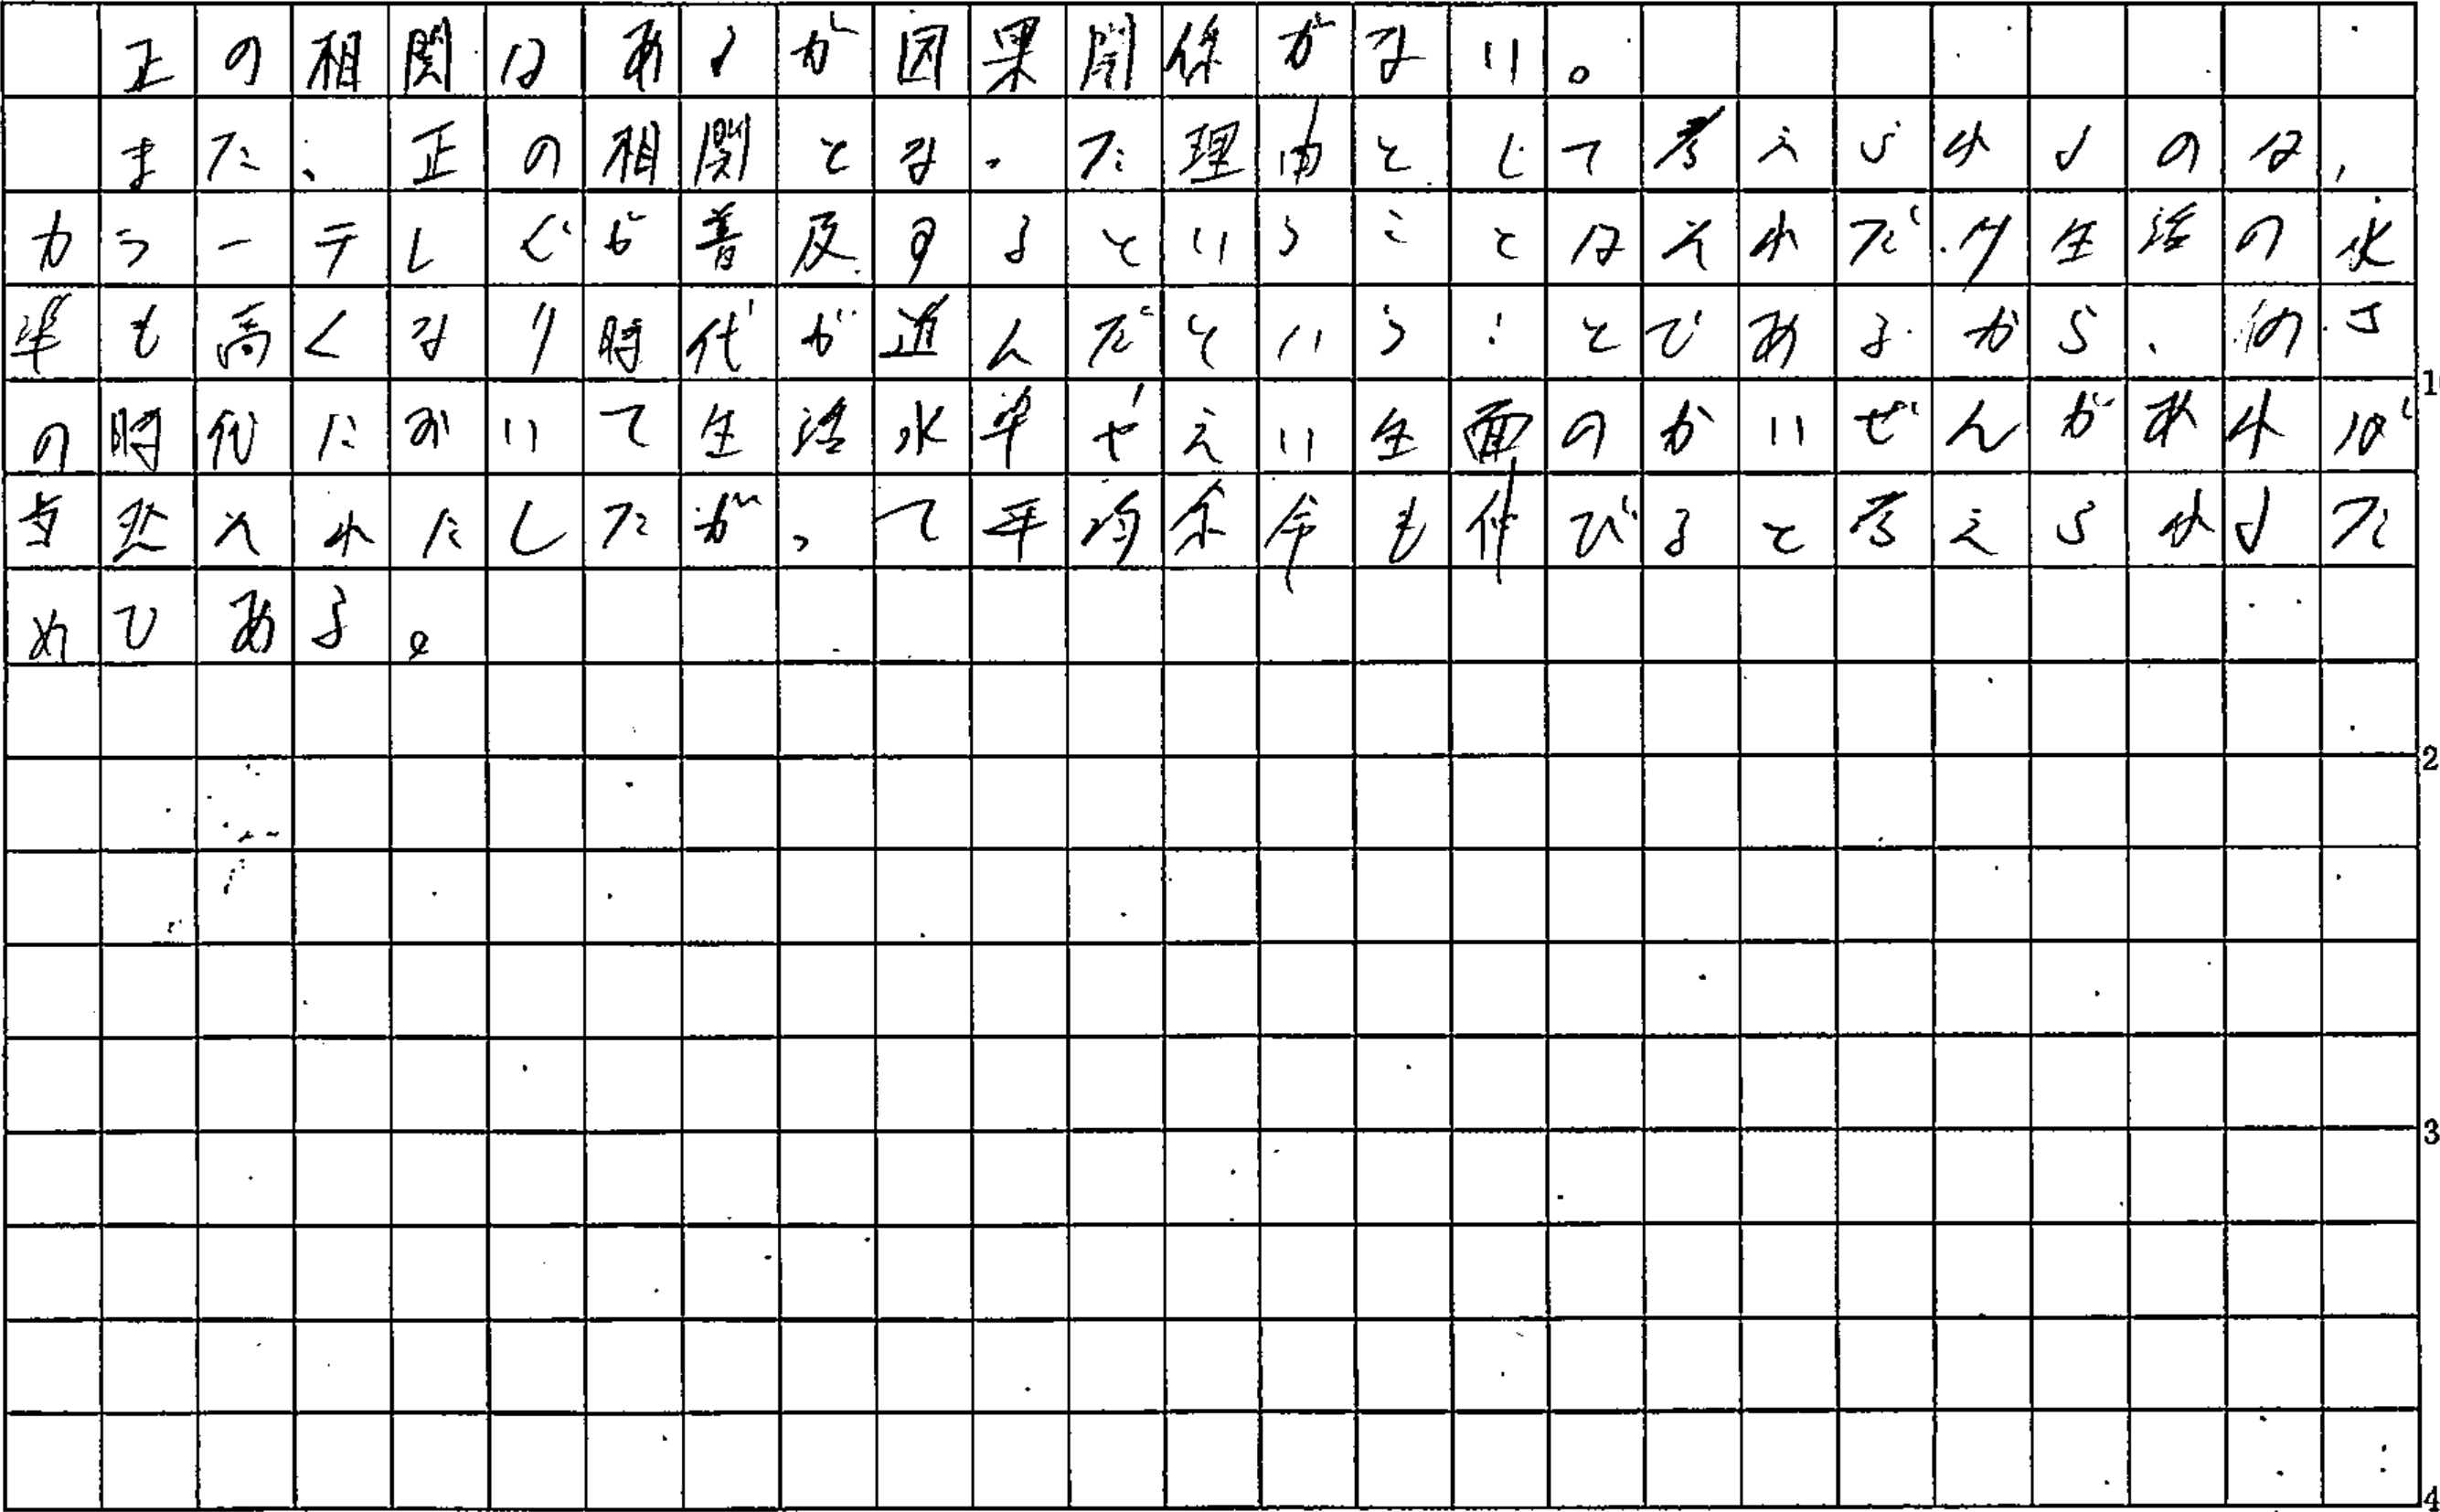　正の相関はあるが因果関係がない。
　また、正の相関となった理由として考えられるのは、カラーテレビが普及するということはそれだけ生活の水準も高くなり時代が進んだということであるから、の▁の時代において生活水準やえい生面のかいぜんがあれば当然それにしたがって平均余命も伸びると考えられるためである。
